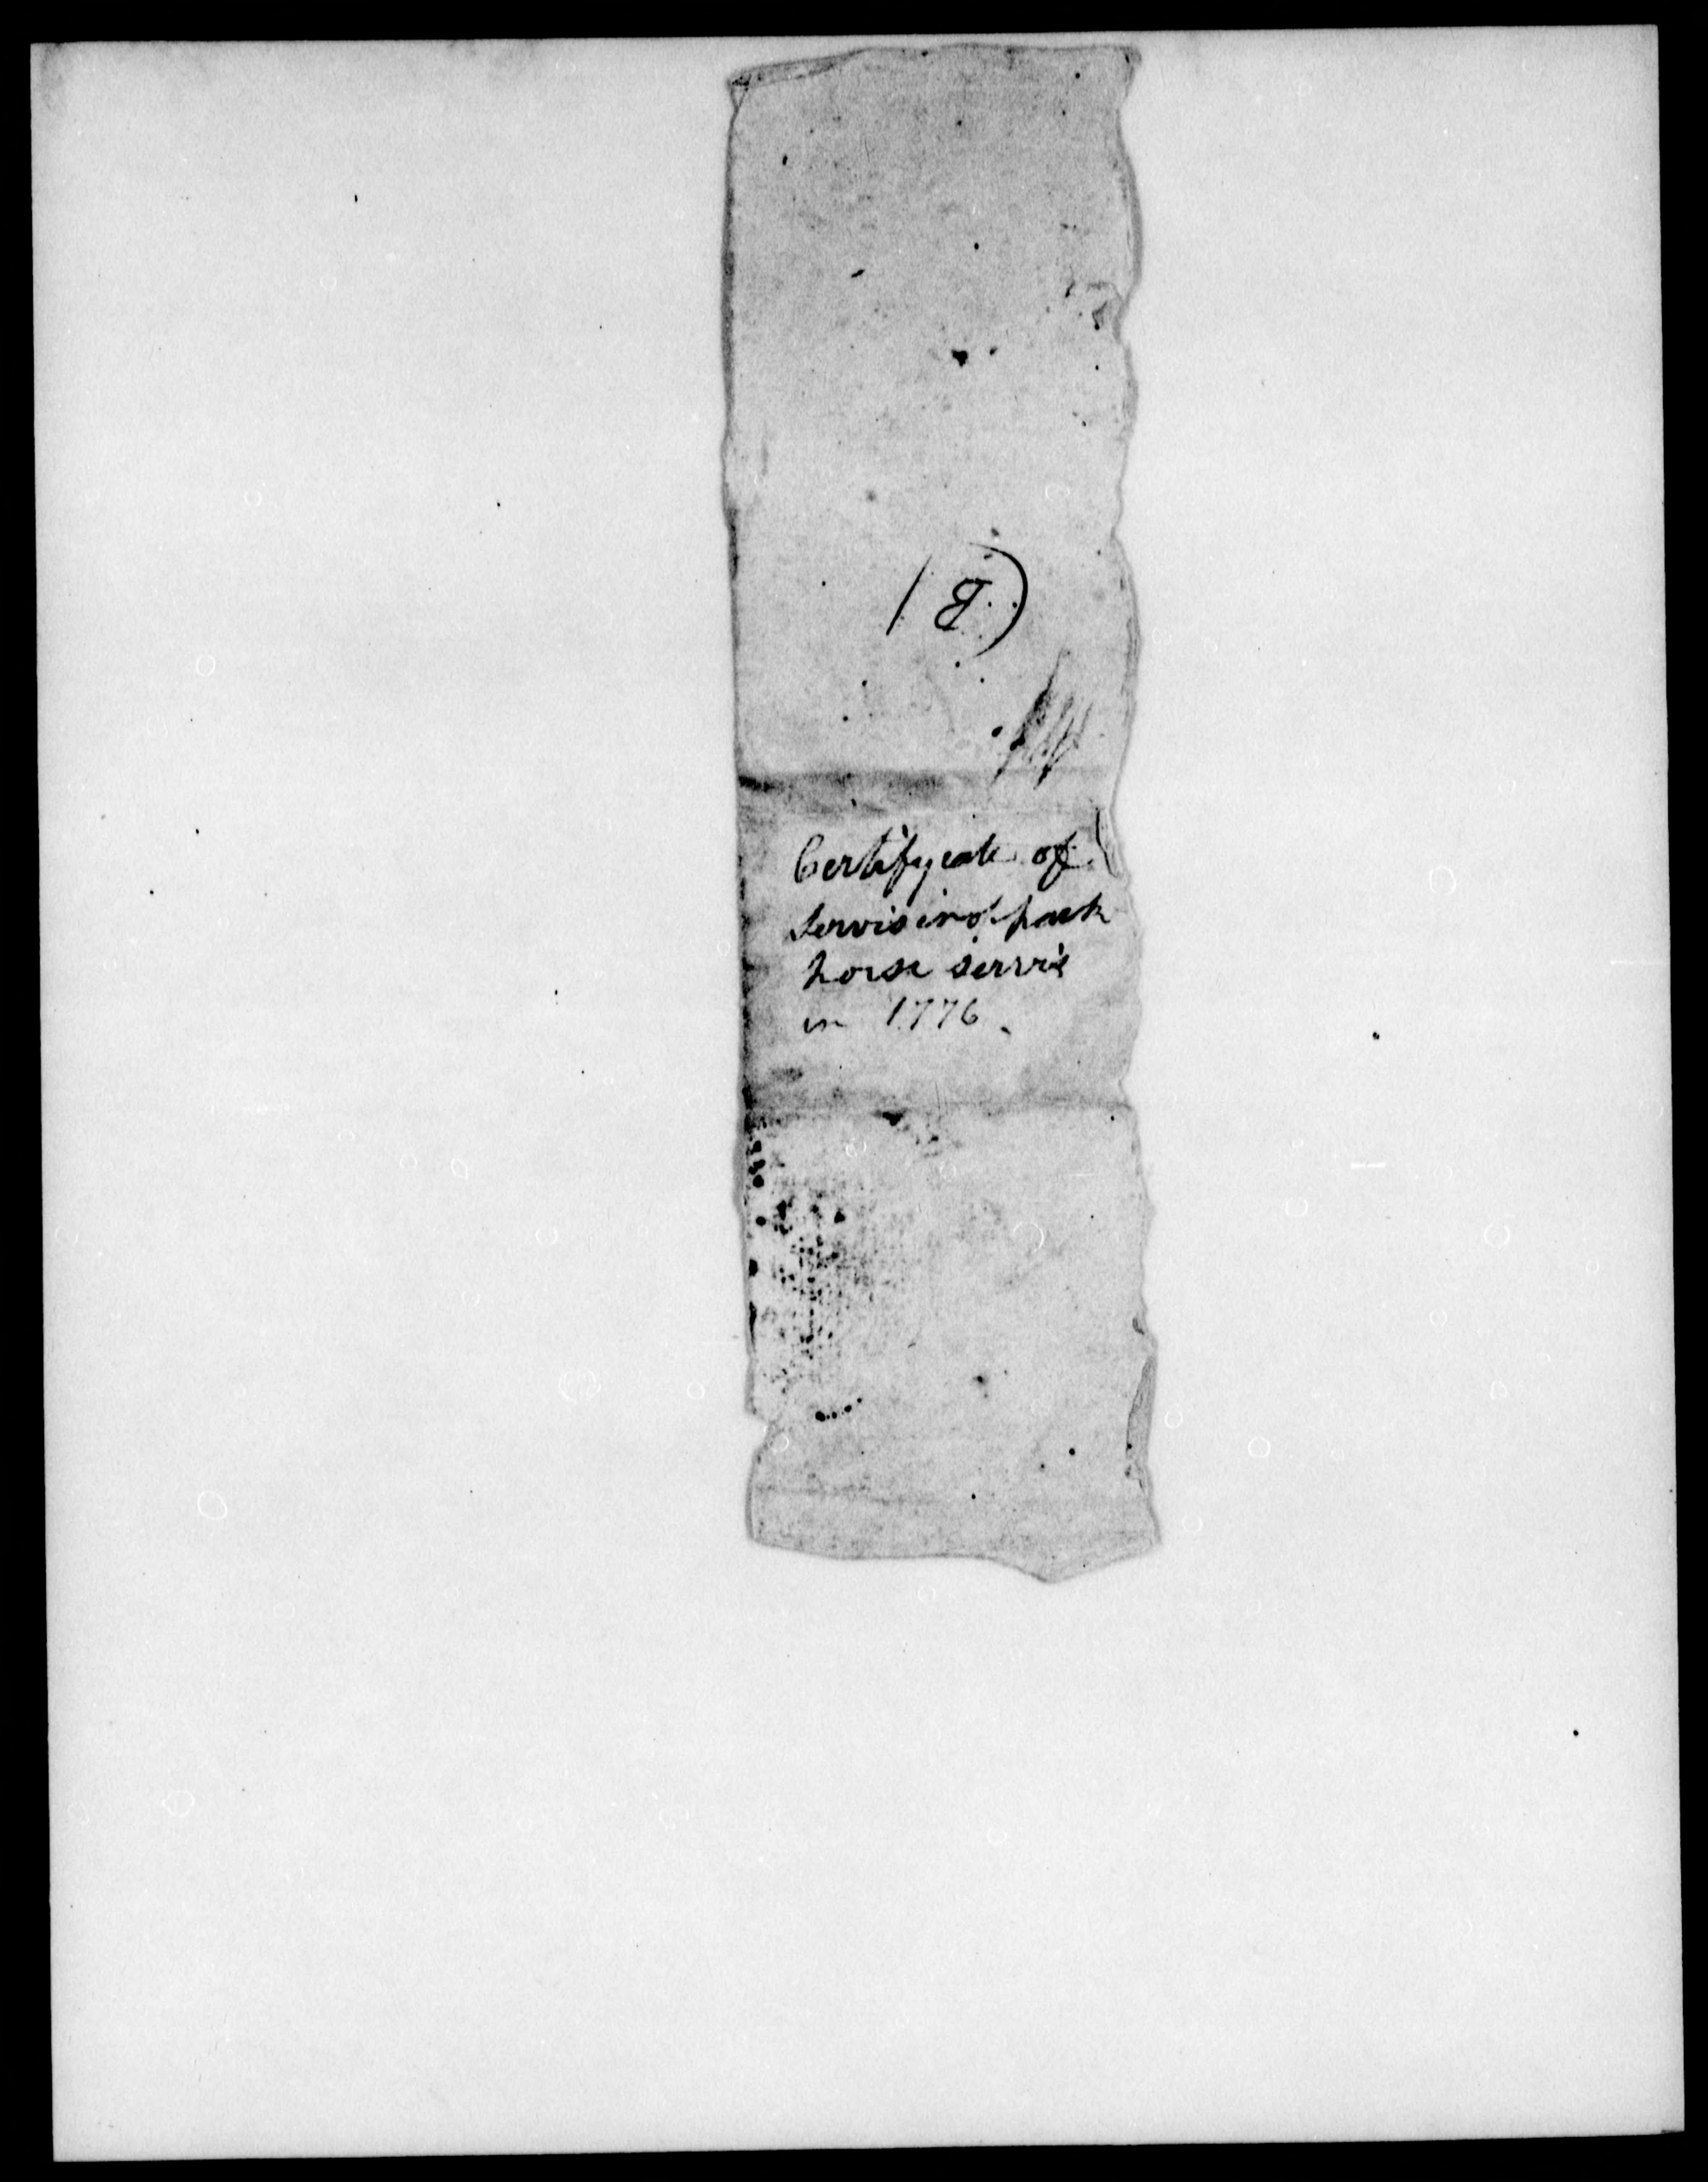(B)

Certifycate [sic] of Servis [sic] in of pack horse servs [sic] in 1776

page: 26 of 105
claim: survivor's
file: S. 1883, Richard Vernon, N.C.